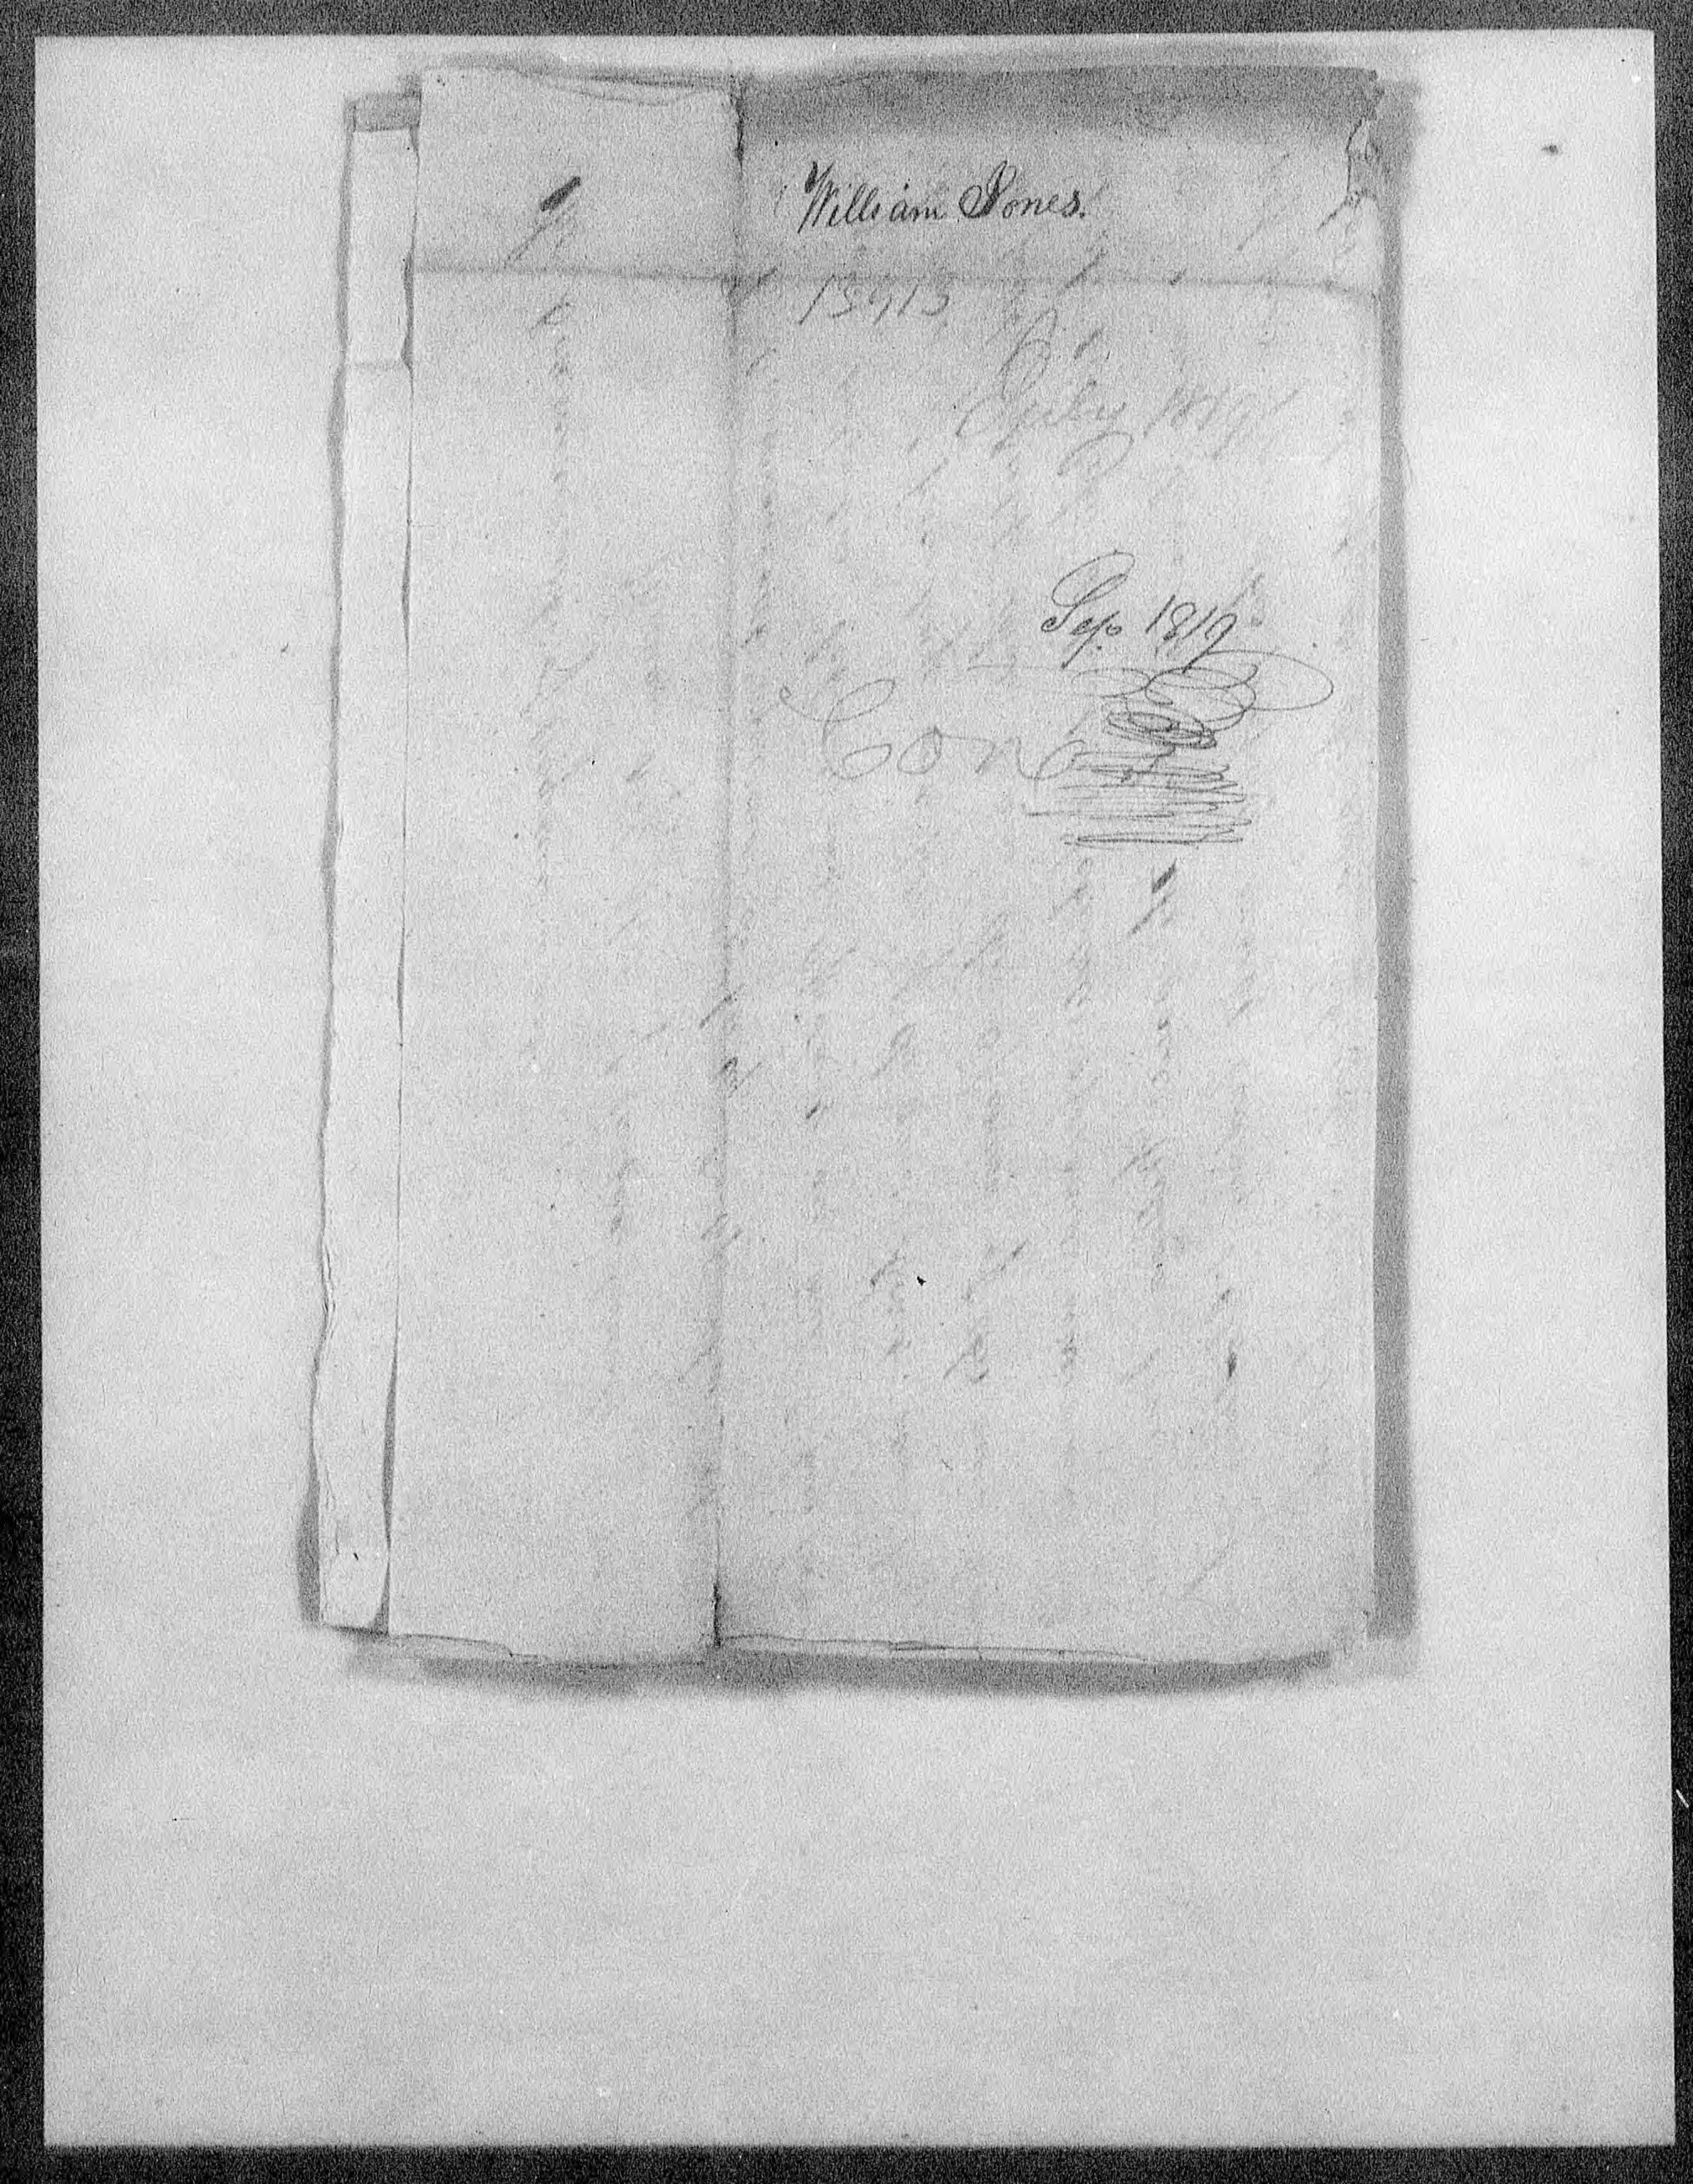William Jones

13913

July 1819

Sep. 1819

Con[?]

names: William Jones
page: 21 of 39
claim: widow's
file: W 6292, for William Jones, Maryland